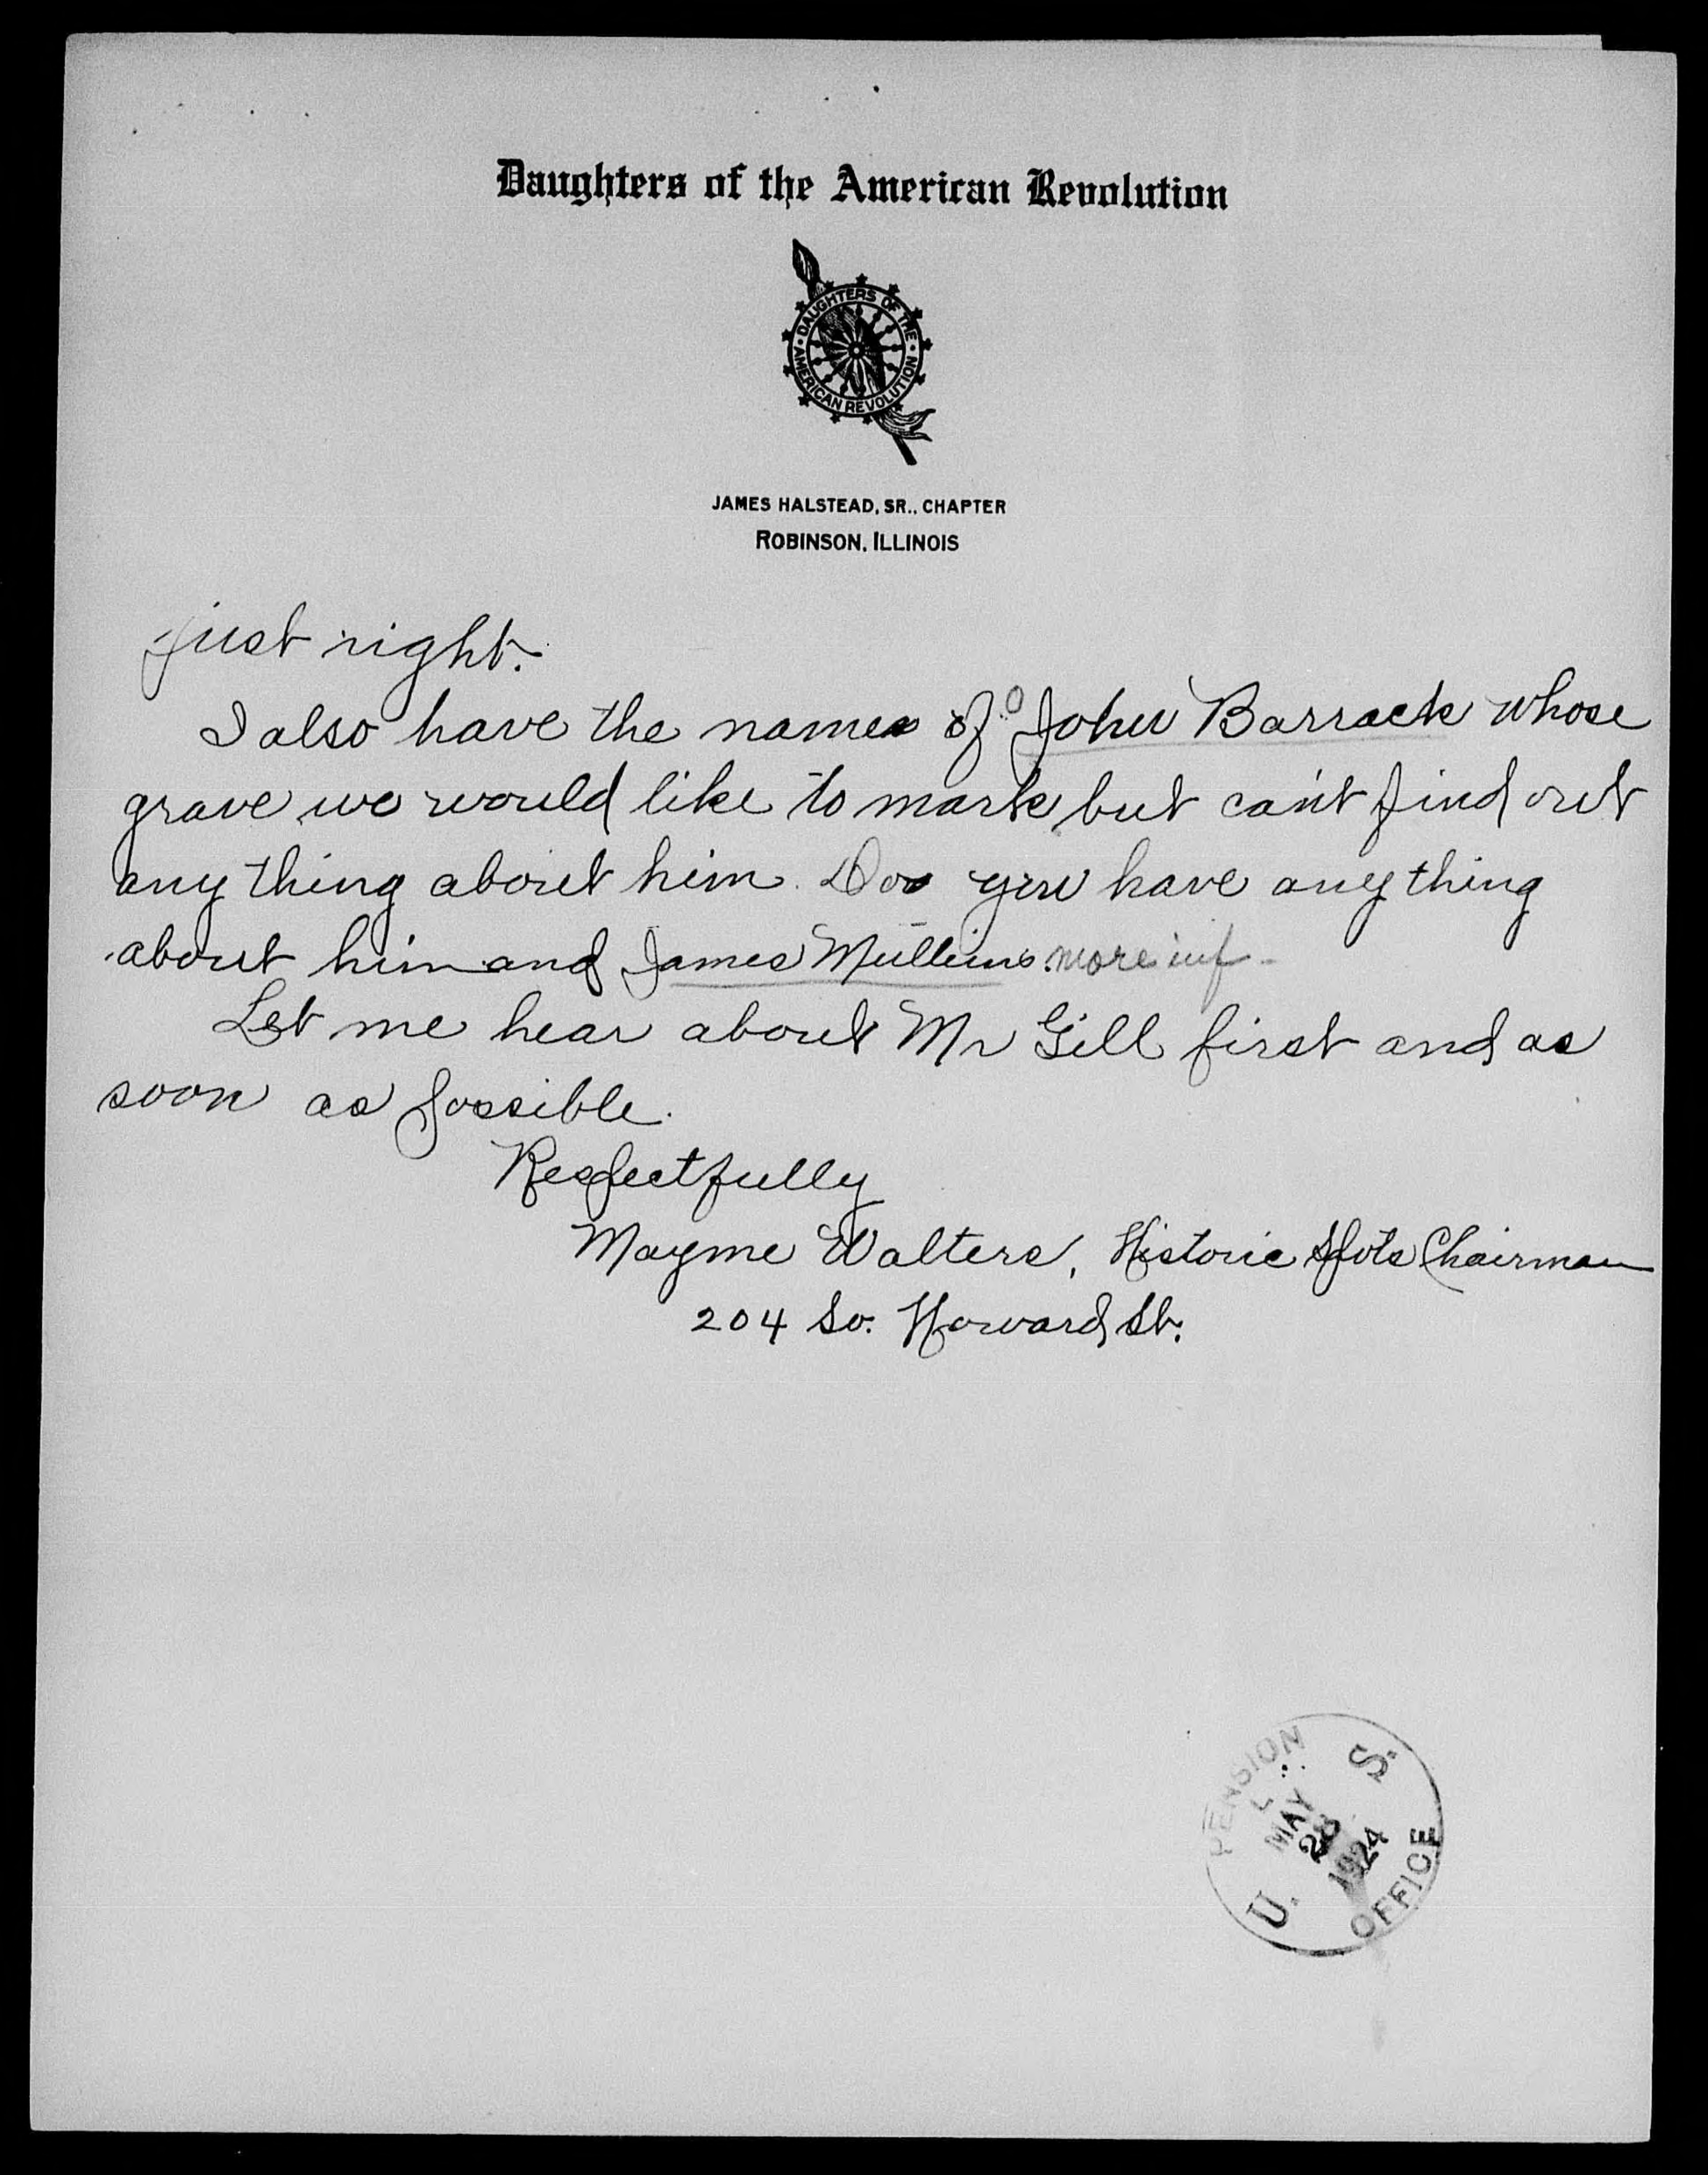Daughters of the American Revolution
JAMES HALSTEAD, SR. CHAPTER
ROBINSON, ILLINOIS
just right. I also have the name of John Barrack whose grave we would like to mark but can't find out
any thing about him. Do you have any thing about him and James Mullins more inf
Let me hear about Mr Gill first and as
soon as possible.
Respectfully
Mayme Walters, Historic Spots Chairman
204 So. Howard St.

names: James Halstead, Gill, Mayme Walters, James Mullins, John Barrack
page: 40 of 44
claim: survivor's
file: S. 31,061, Thomas Gill, S.C.